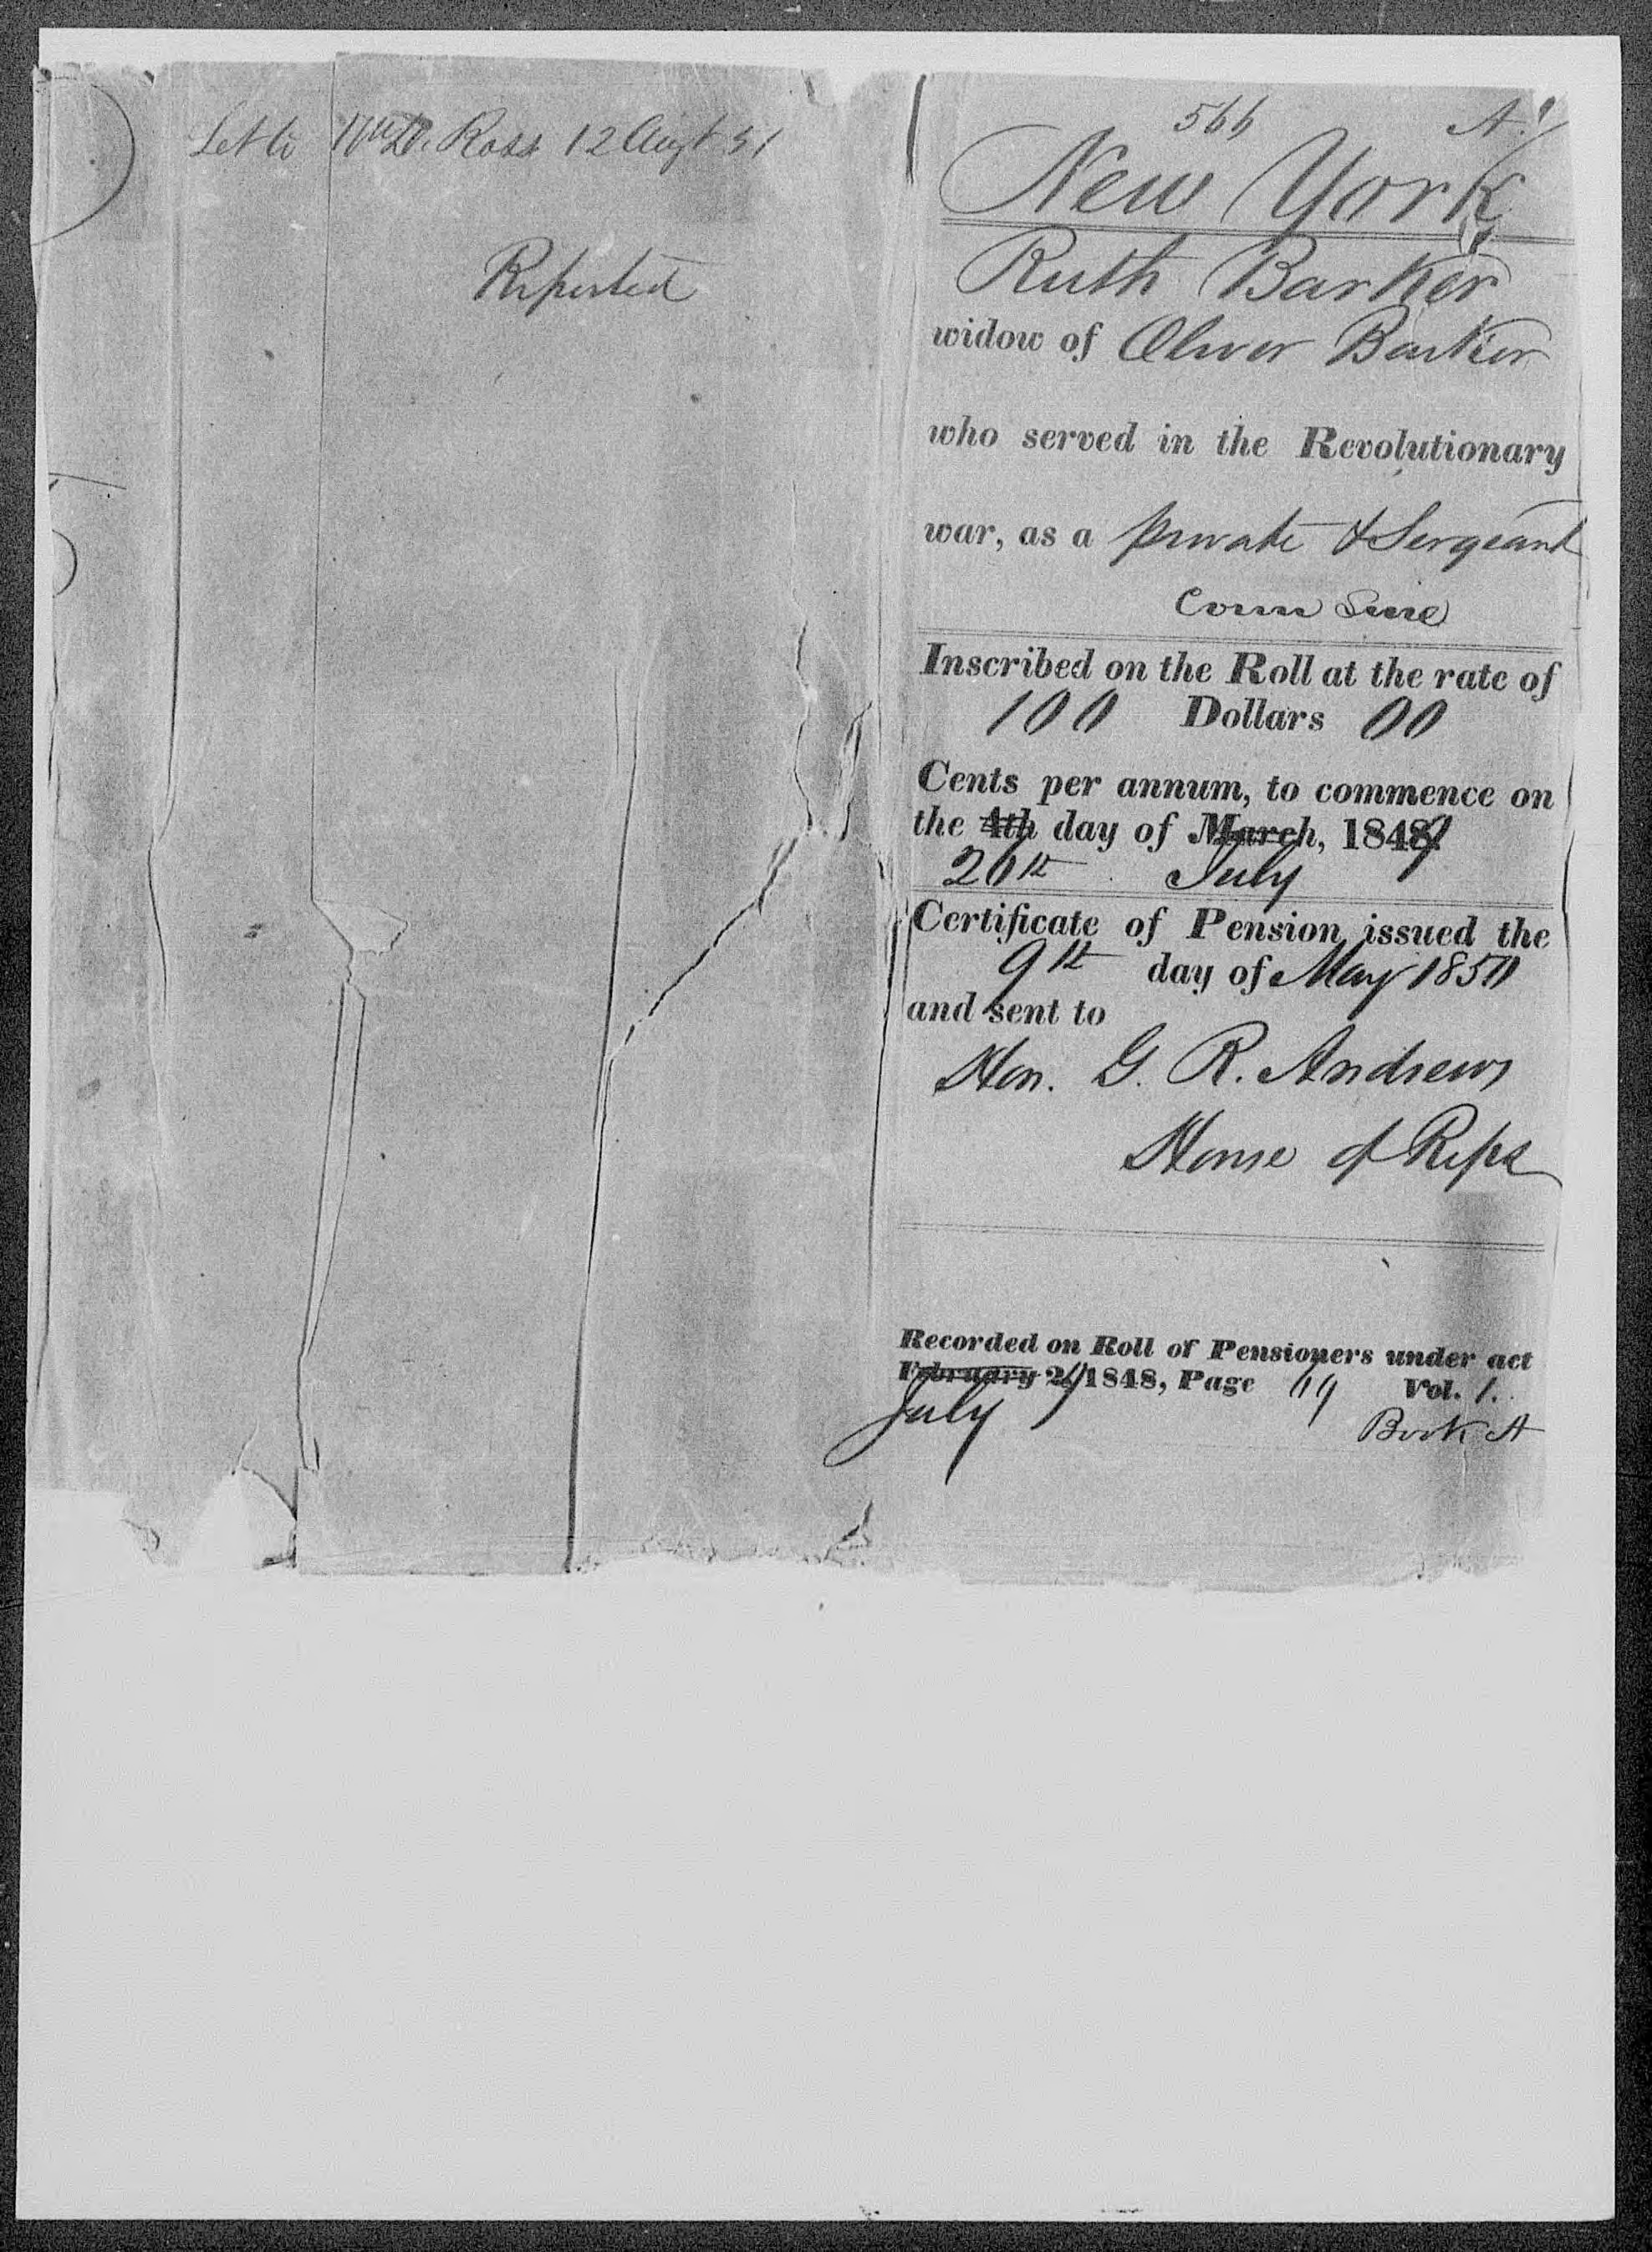Let to Wm D. Ross 12 Augt 51 
Reported 
566   A
New York 
Ruth Barker 
widow of Oliver Barker who served in the Revolutionary war , as a private & Sergeant 
Conn Service 
Inscribed on the Roll at the rate of 100 Dollars 00 Cents per annum, to commence on the 26th day of July, 1849 
Certificate of Pension issued the 9th day of May 1850 and sent to Hon. G. R. Andrews  House of Reps.
Recorded on Roll of Pensioners under act July 1 1848, page 69 Vol 1 Book A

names: Wm D Ross, G R Andrews, Oliver Barker, Ruth Barker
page: 3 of 51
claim: widow's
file: W. 1698, Oliver Barker, Conn.